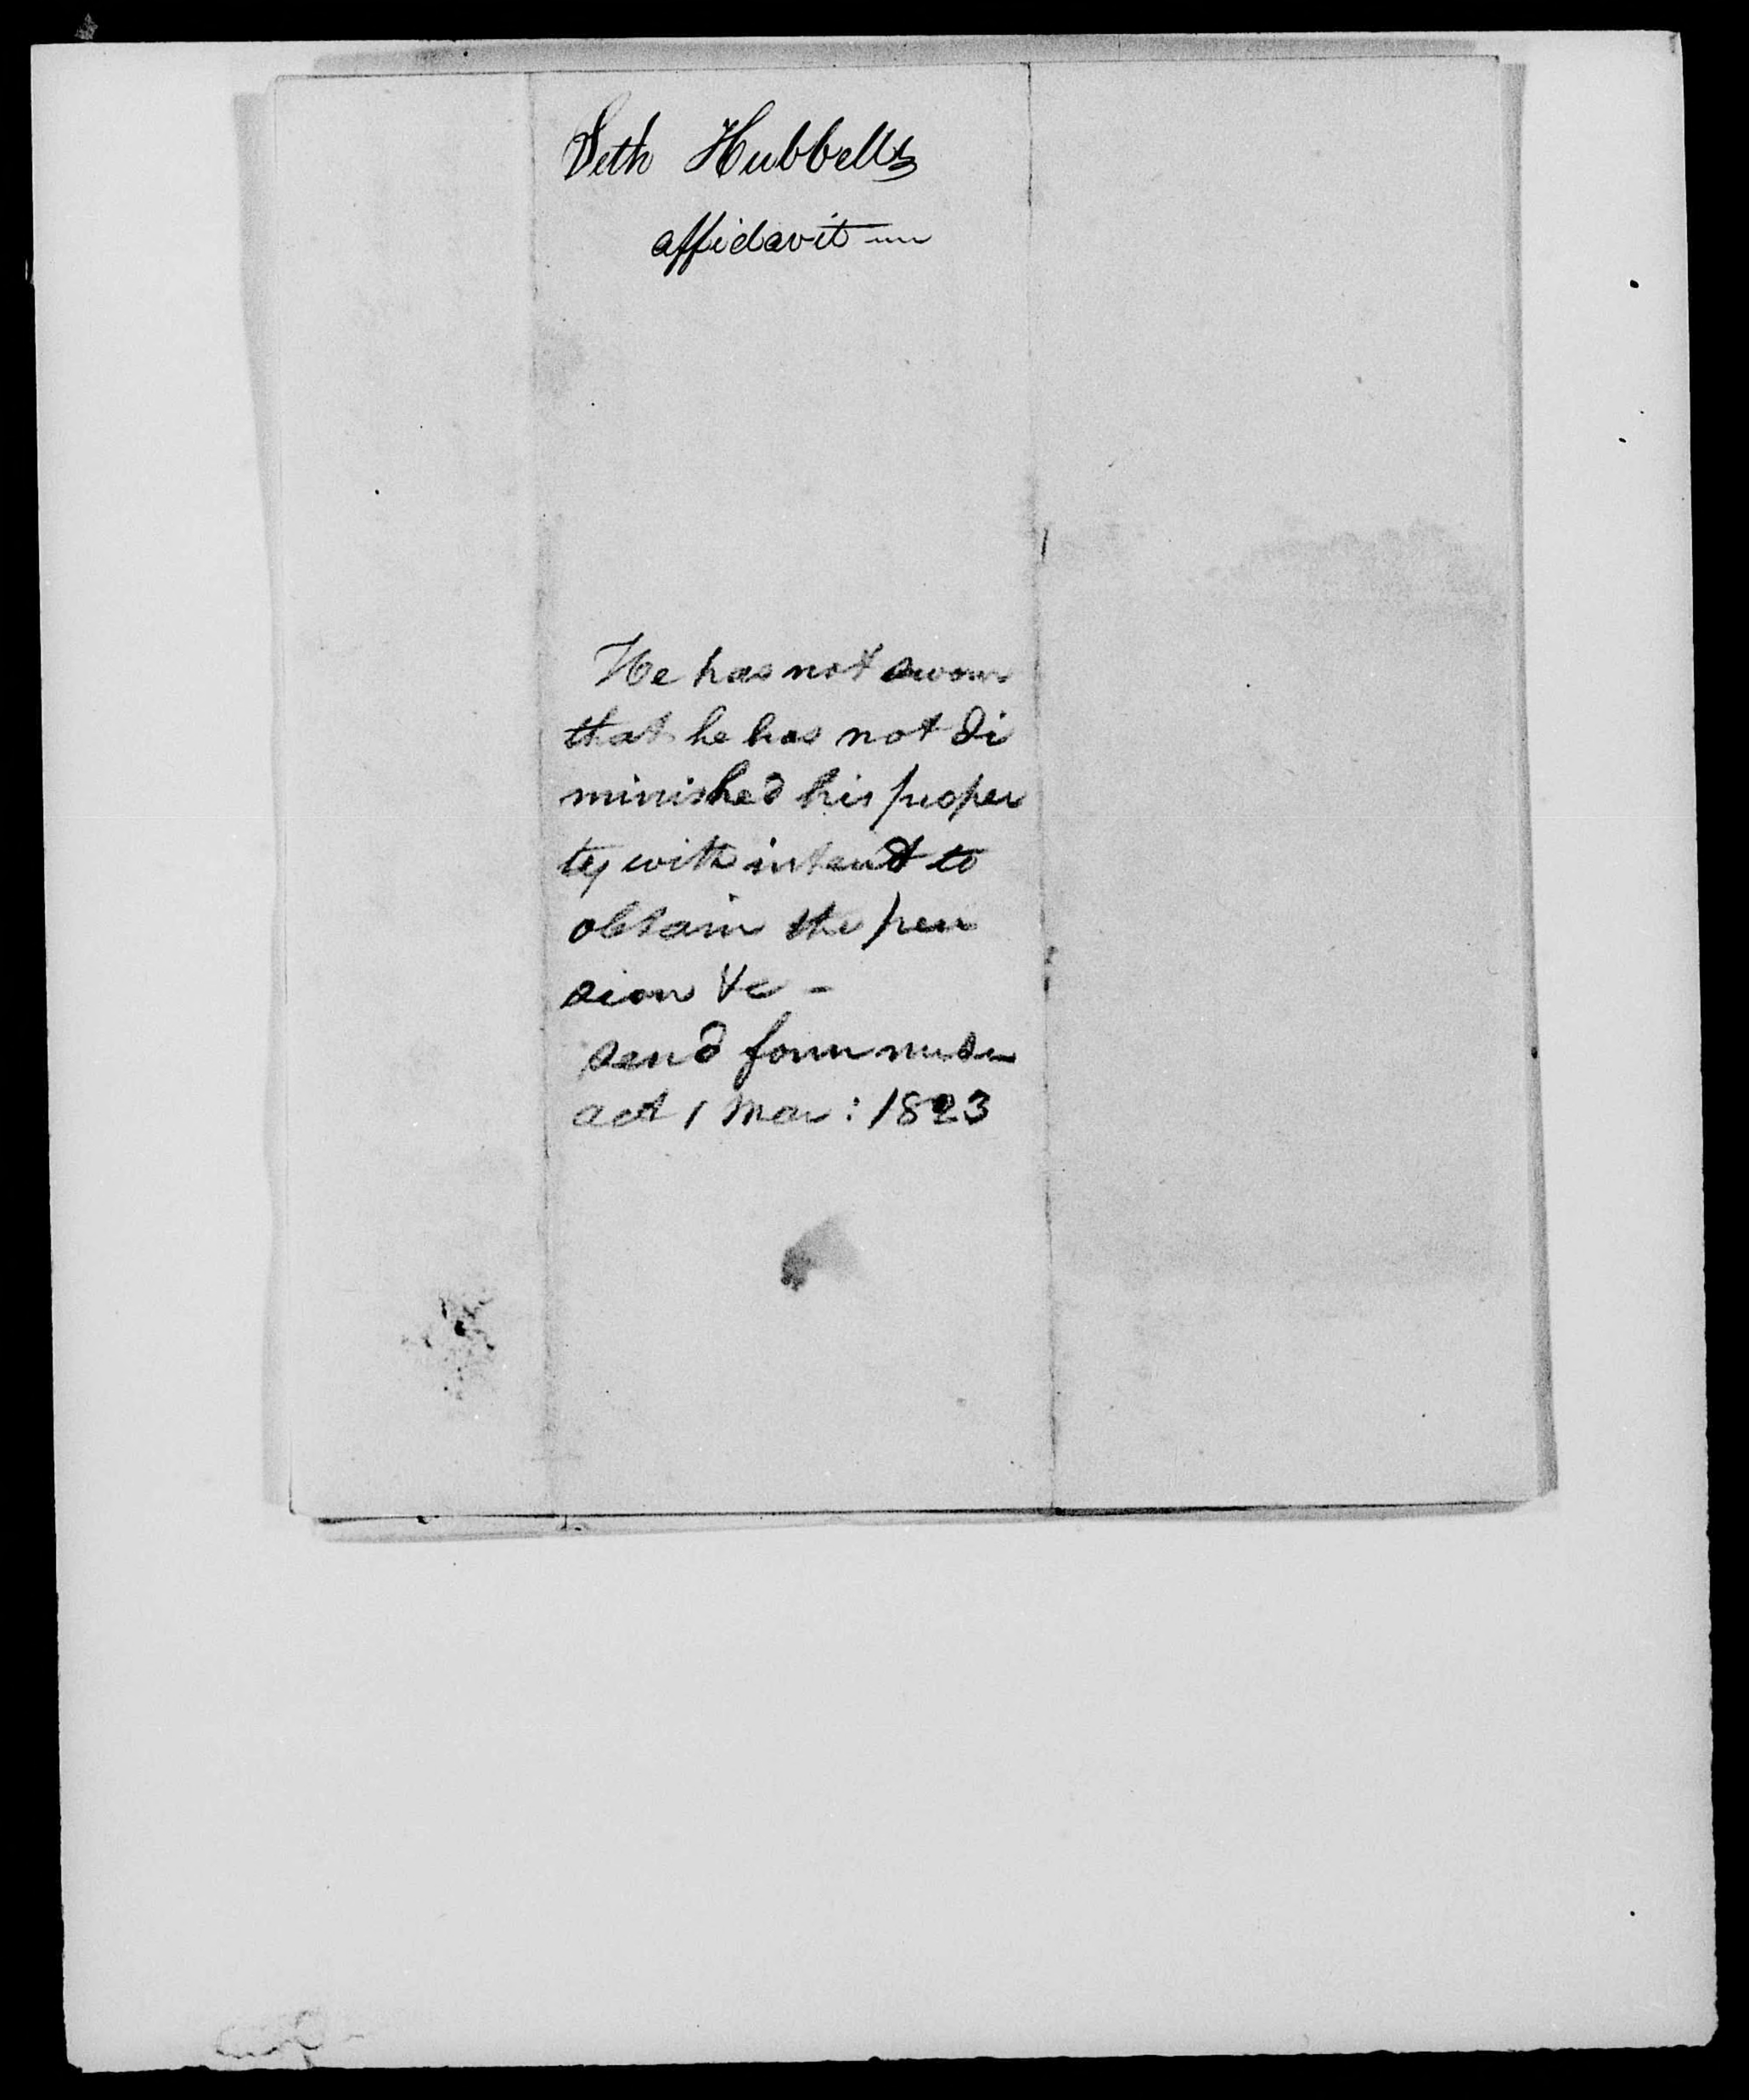Seth Hubbell
affidavit

He has not sworn that he has not diminished his property with intent to obtain the pension [illegible] _
send [illegible]
act 1 Mar : 1823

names: Seth Hubbell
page: 87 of 114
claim: widow's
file: W. 2115, Seth Hubbell, Conn.